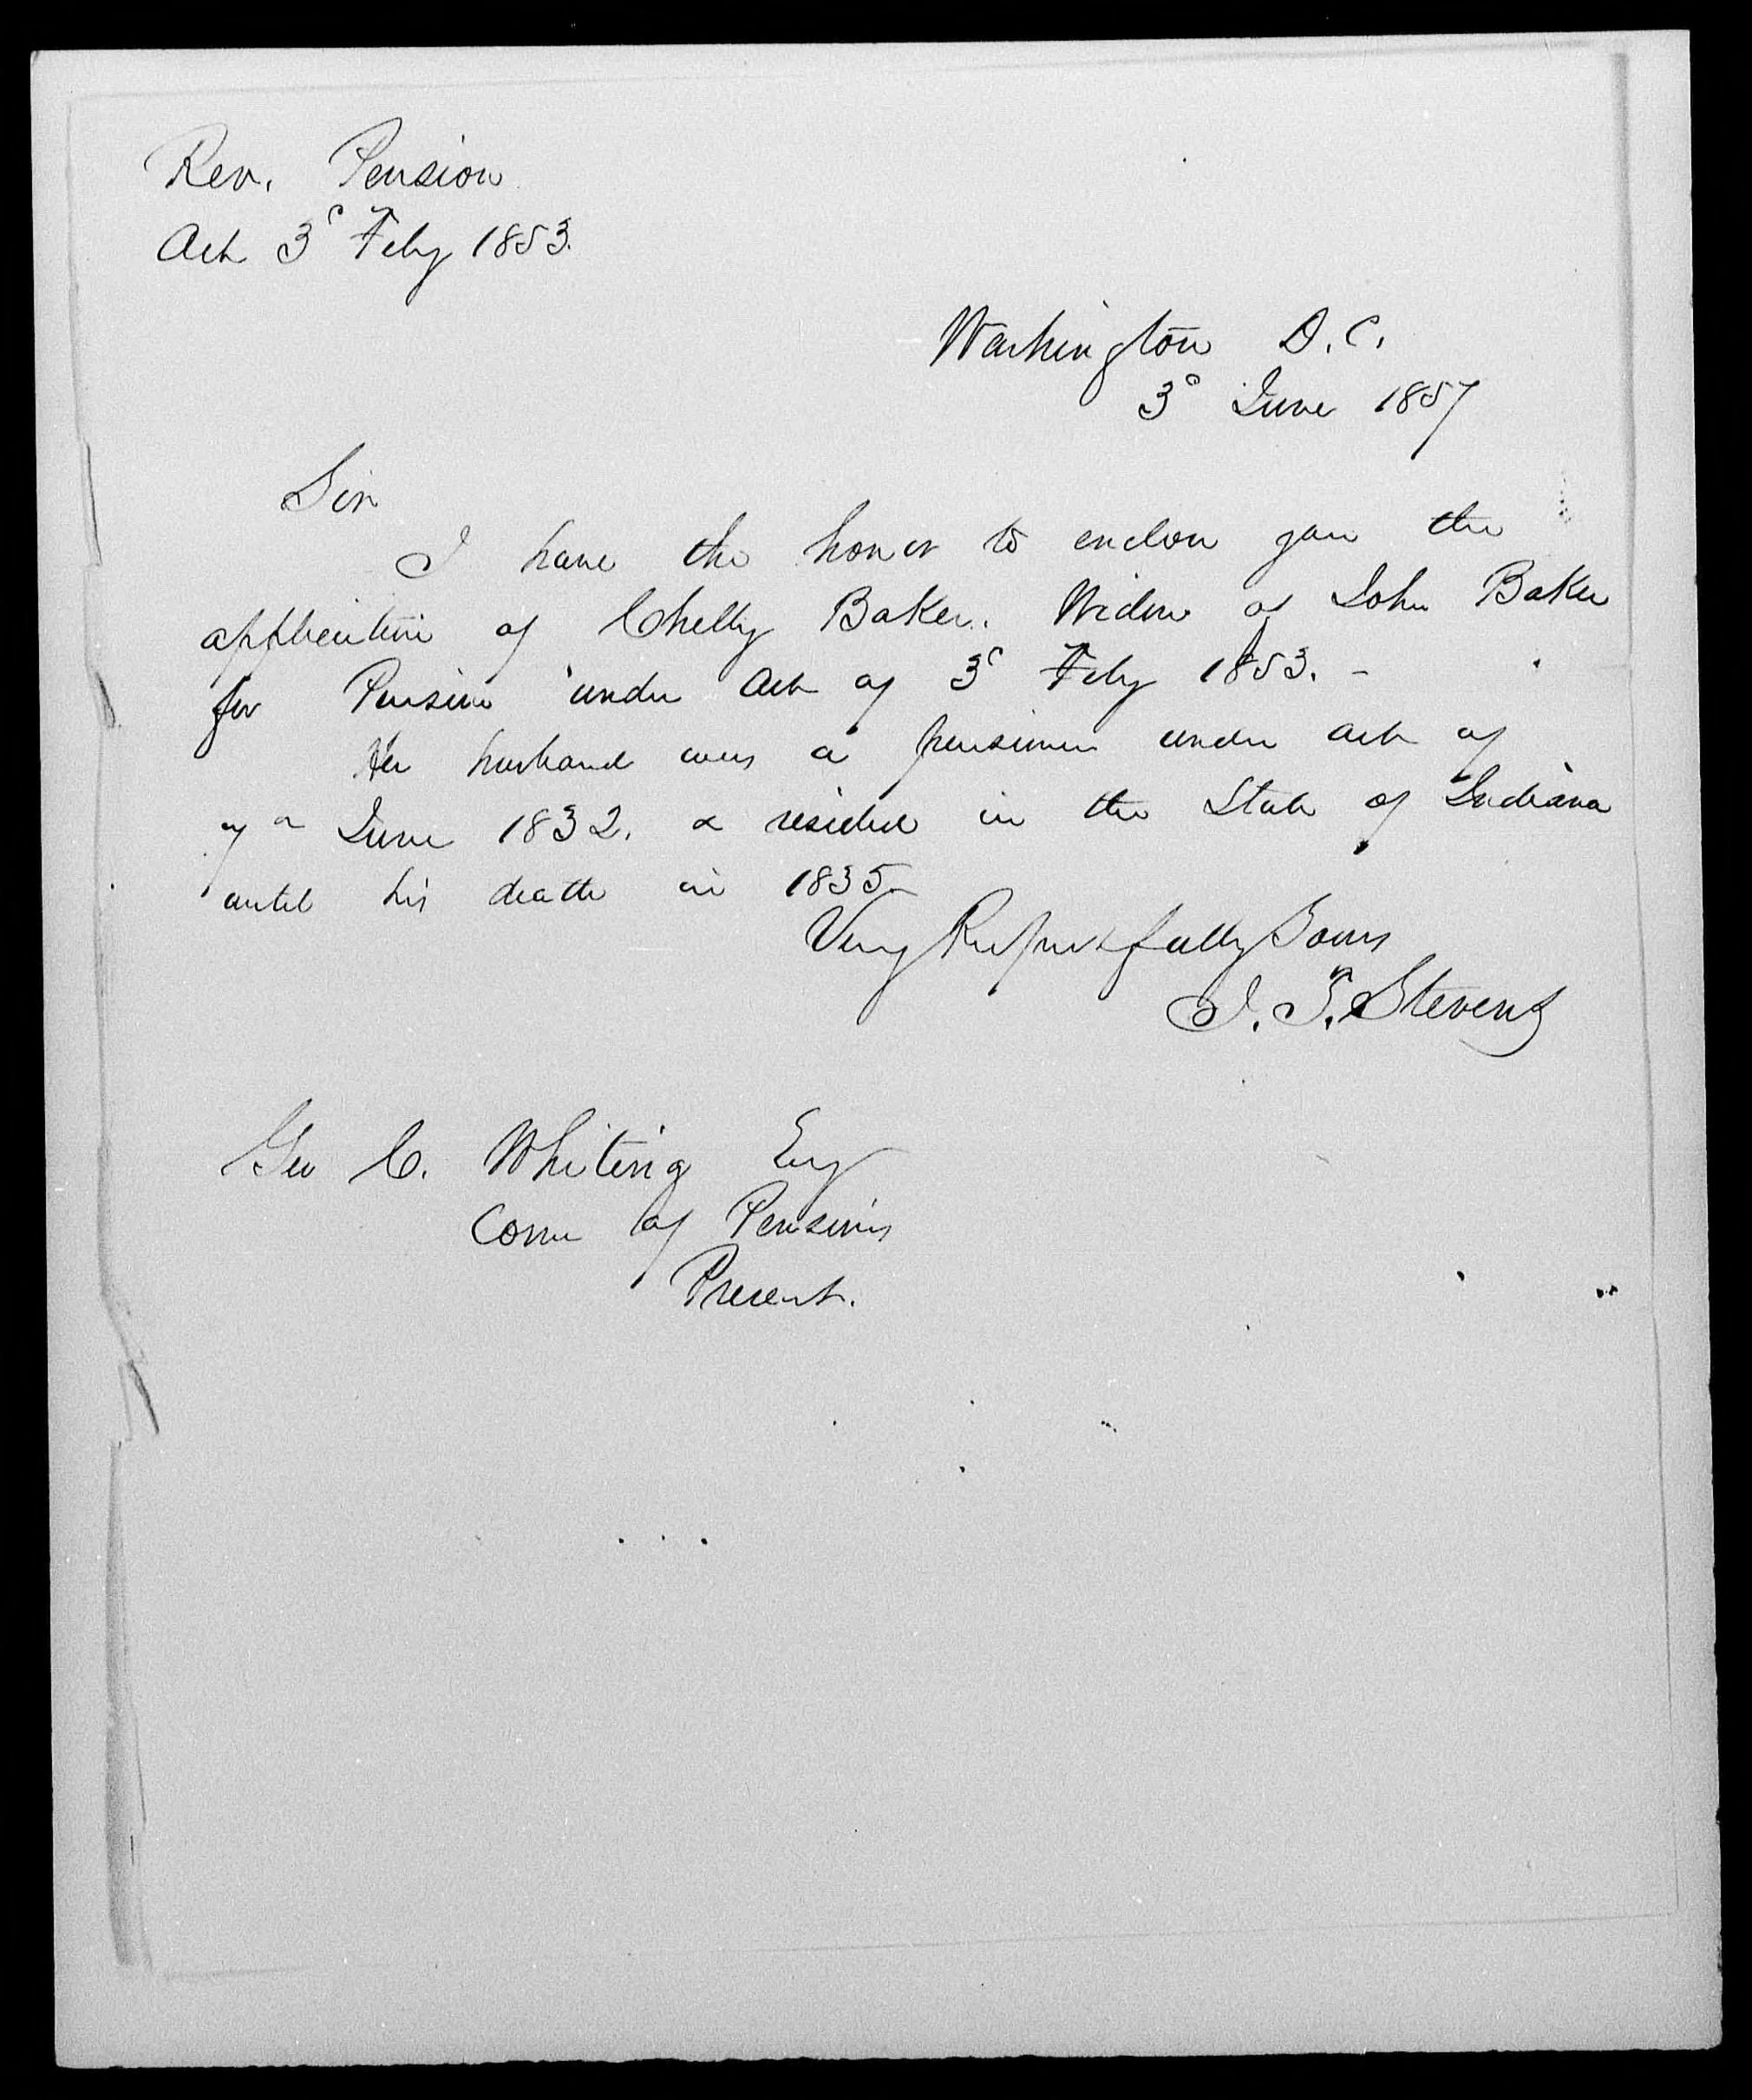Rev. Pension
Act 3d Feby 1853.
Washington D.C.
3d June 1857
Sir
I have the honor to enclose you the application of Chelly Baker, Widow of John Baker for Pension under Act of 3d Feby 1853. -
Her husband was a pensioner under act of 7th June 1832. & resided in the State of Indiana until his death in 1835
Very Respectfully Yours
J. T. Stevens

Geo C Whiting Esq
Comm of Pensions Present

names: Geo C Whiting, J T Stevens, Chelly Baker, John Baker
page: 24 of 27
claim: rejected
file: R. 406, John Baker, S.C.